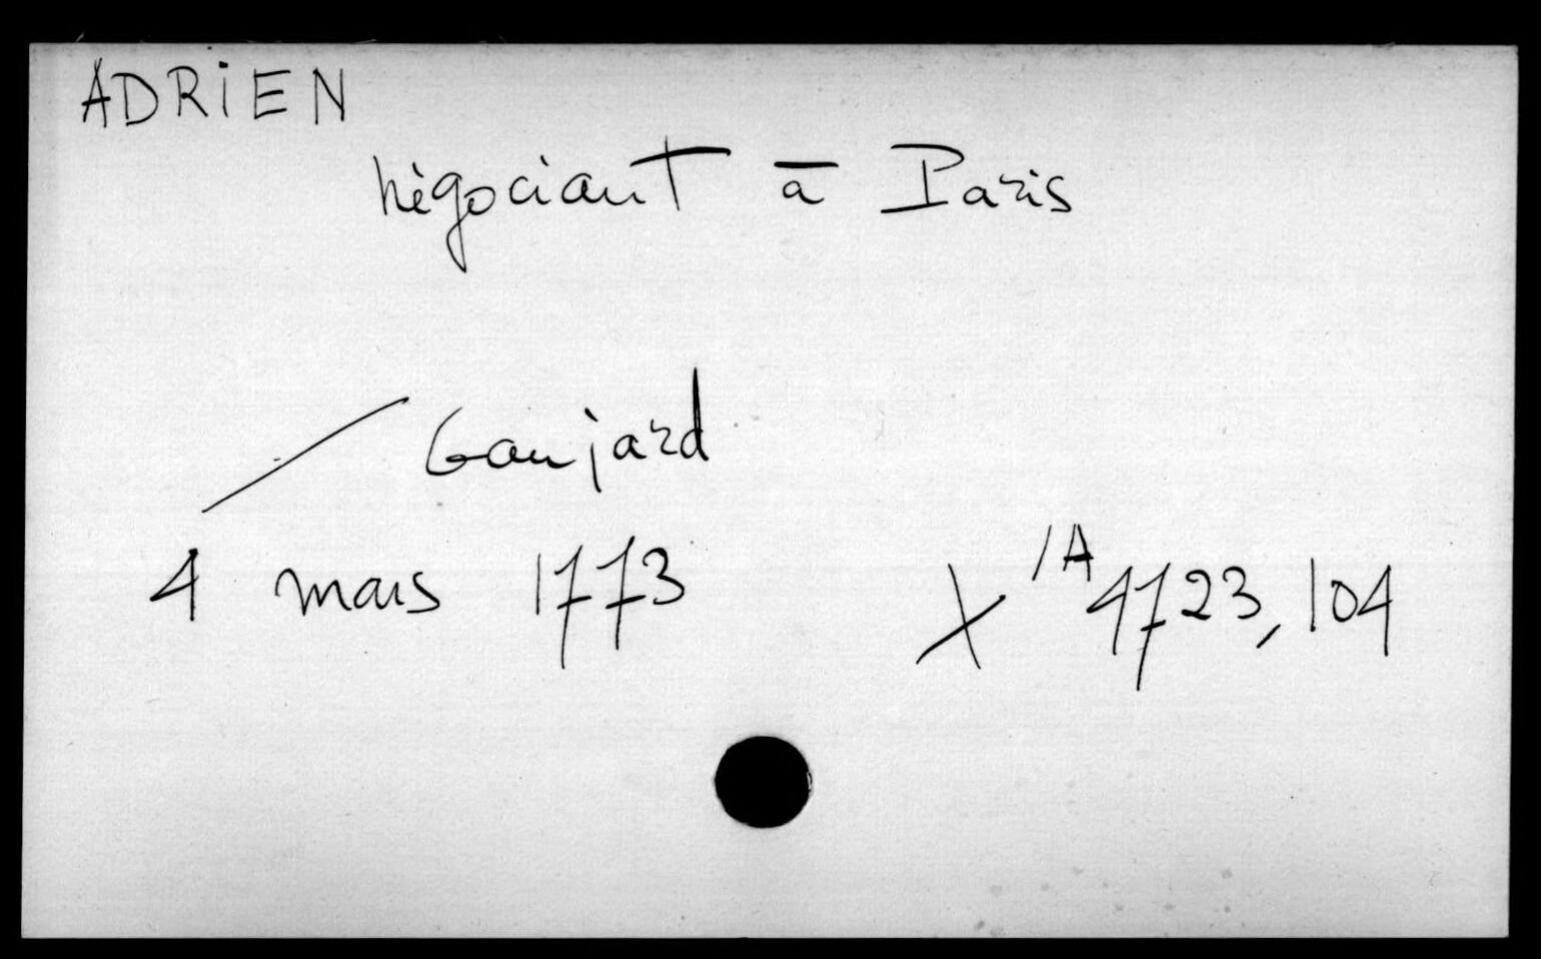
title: ADRIEN, négociant à Paris
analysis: Contre Gaujard
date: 4 mars 1773
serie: X1A
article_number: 4723
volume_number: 104
